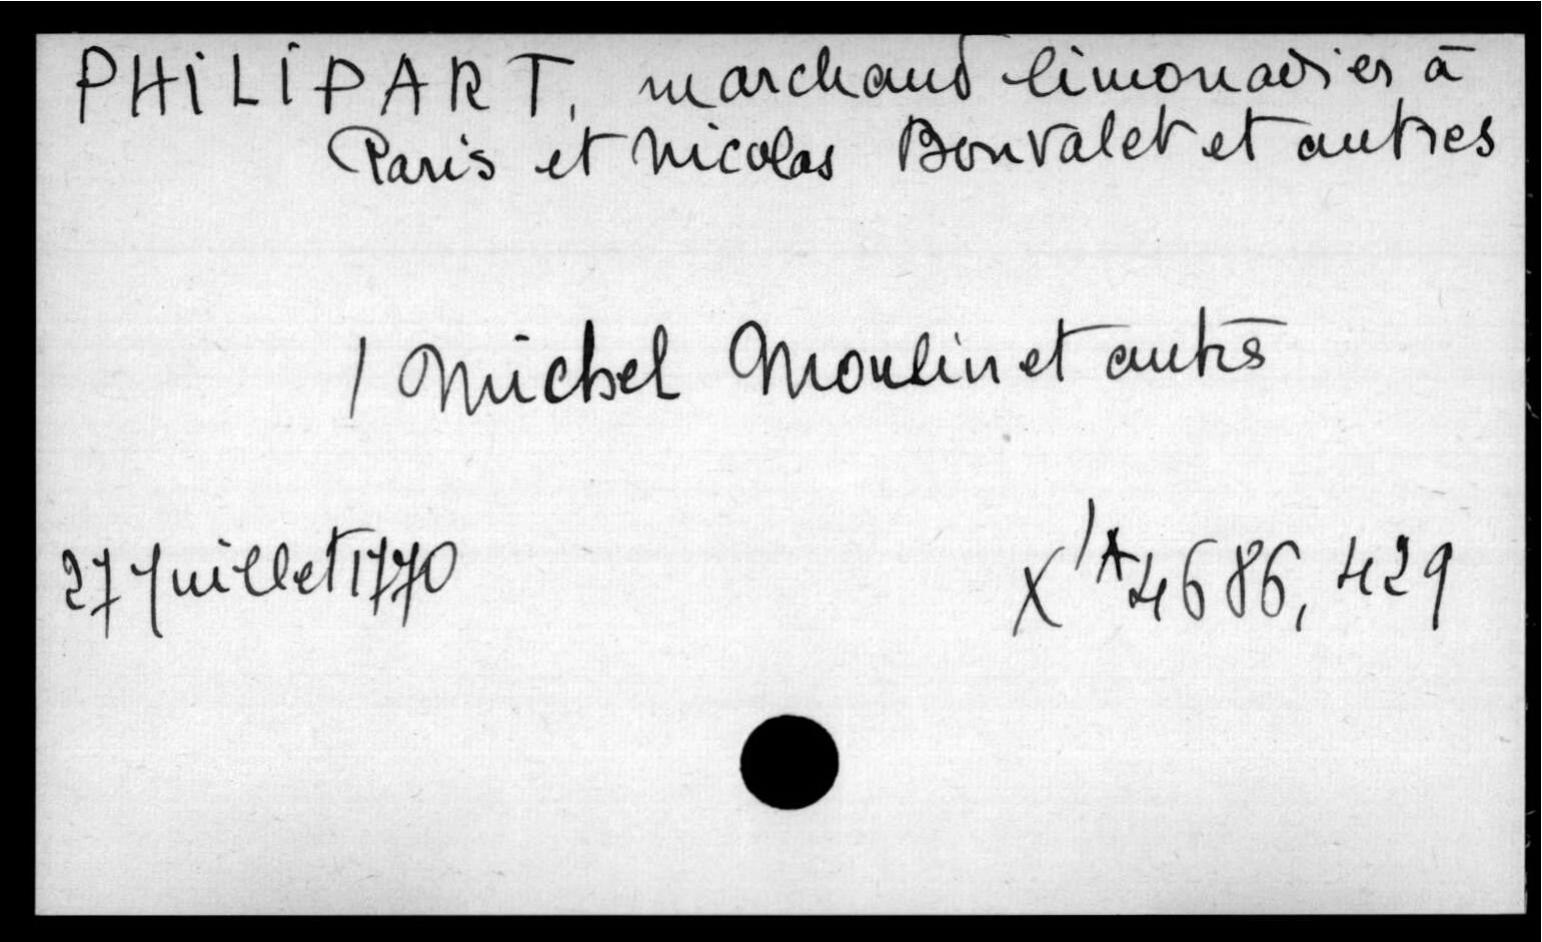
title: PHILIPART, marchand limonadier à Paris et Nicolas Bonvalet et autres
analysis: Contre Michel Moulin et autres
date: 27 juillet 1770
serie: X1A
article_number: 4686
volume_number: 429
